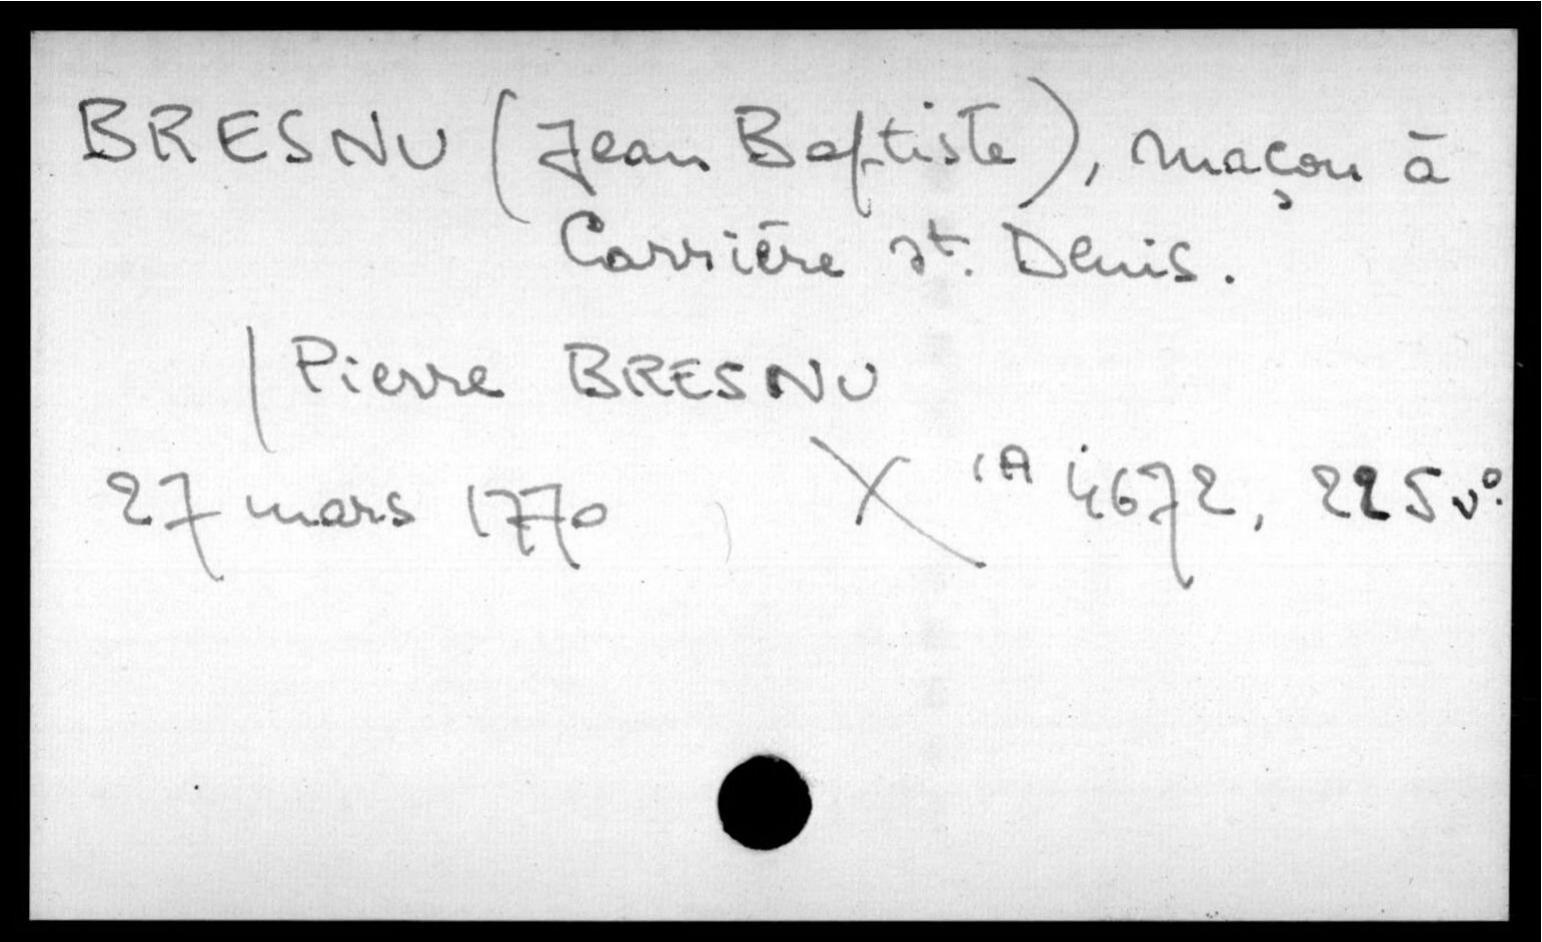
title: BRESNU (Jean Baptiste), maçon à Carrière Saint-Denis.
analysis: Contre Pierre BRESNU
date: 27 mars 1770
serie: X1A
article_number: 4672
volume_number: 225v
